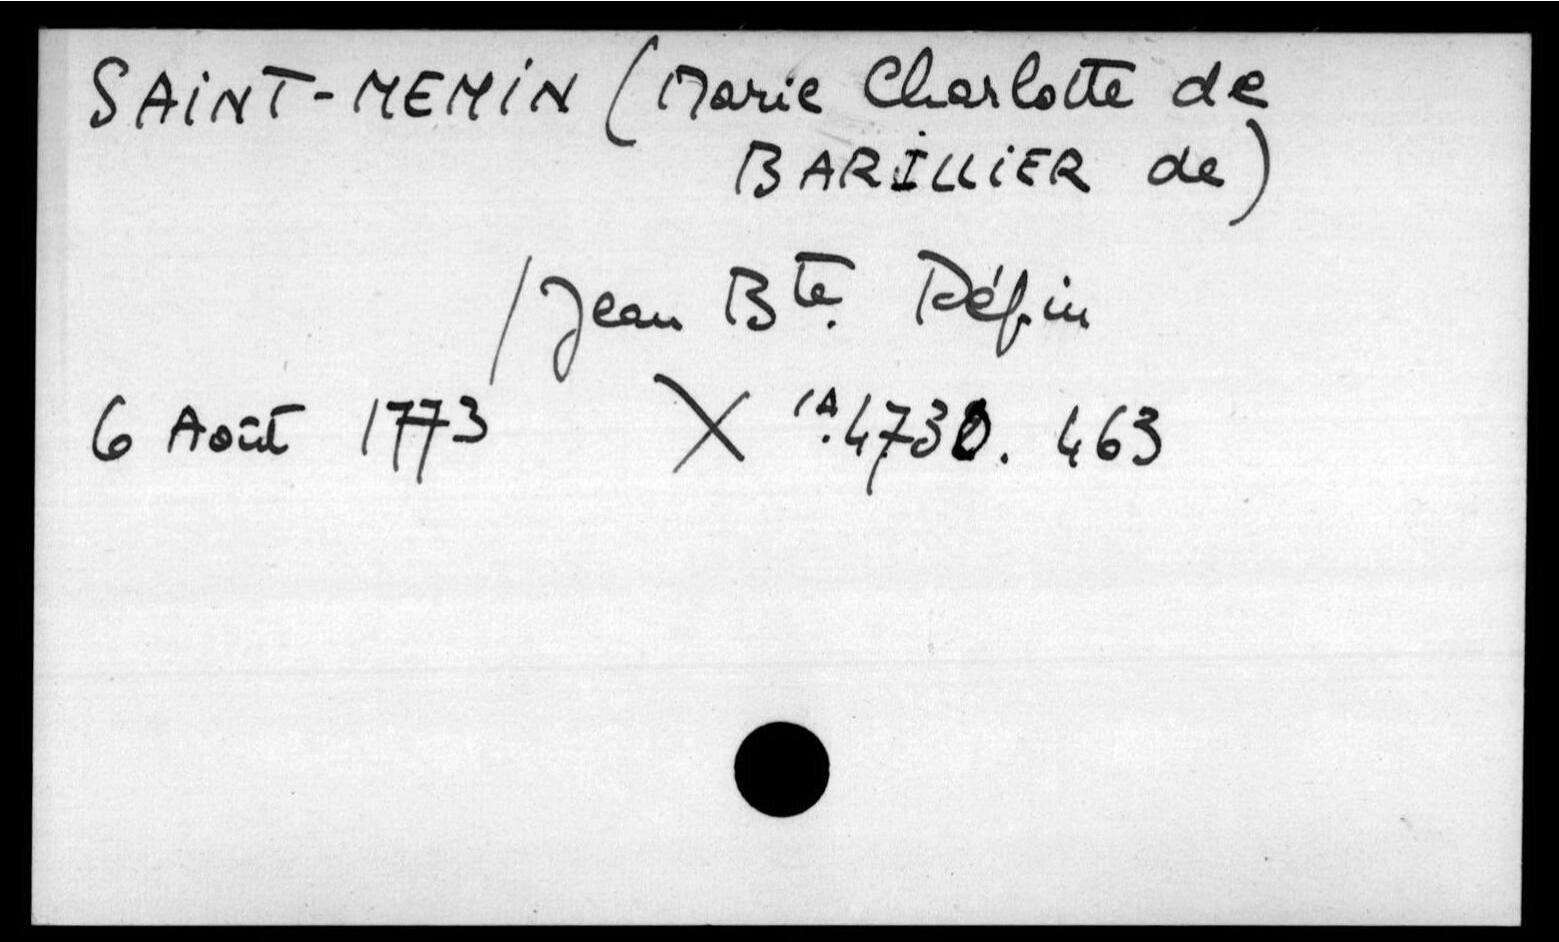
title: SAINT-MEMIN (Marie Charlotte de BARILLIER de)
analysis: Contre Jean Baptiste Pépin
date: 6 août 1773
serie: X1A
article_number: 4730
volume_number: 463
